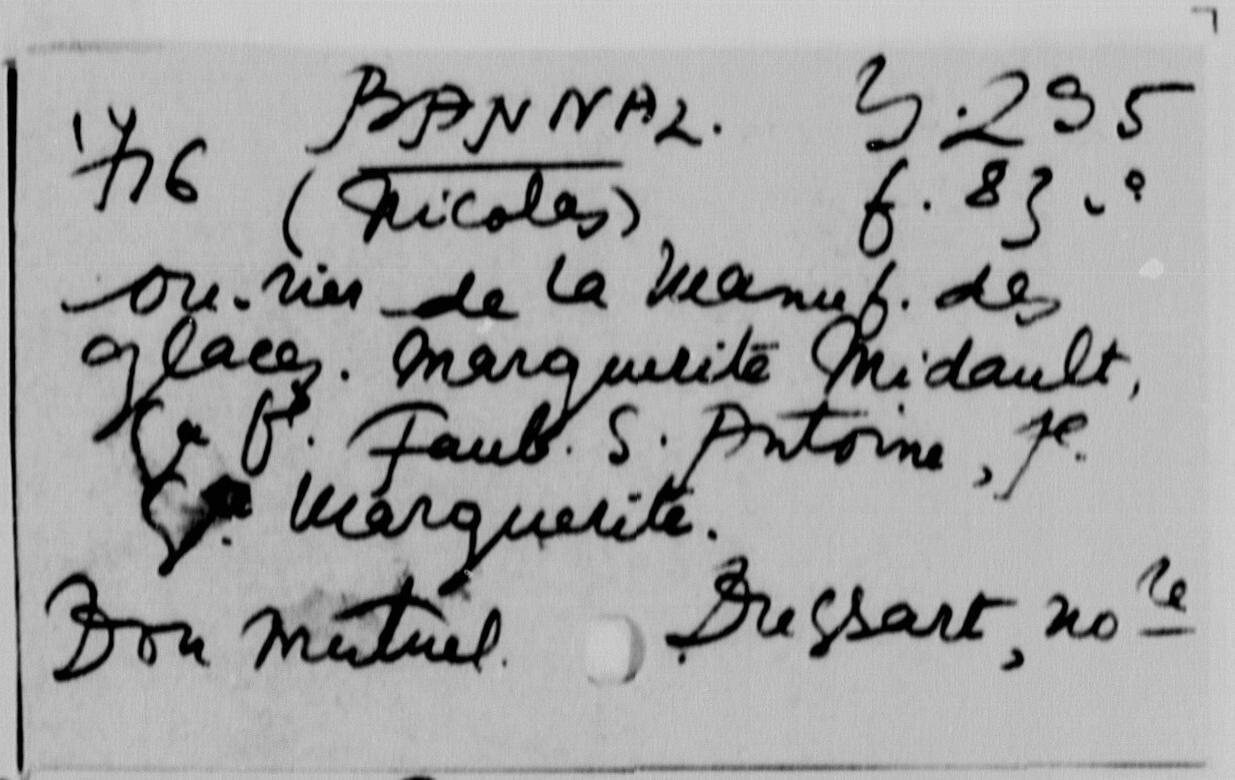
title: BANNAL (Nicolas)
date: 1716
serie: Y
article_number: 295
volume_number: folio 83 verso
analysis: Ouvrier de la Manufacture des Glaces. Marguerite Midault, sa femme. Faubourg Saint Antoine, paroisse Sainte-Marguerite Don mutuel. Dussart, notaire
